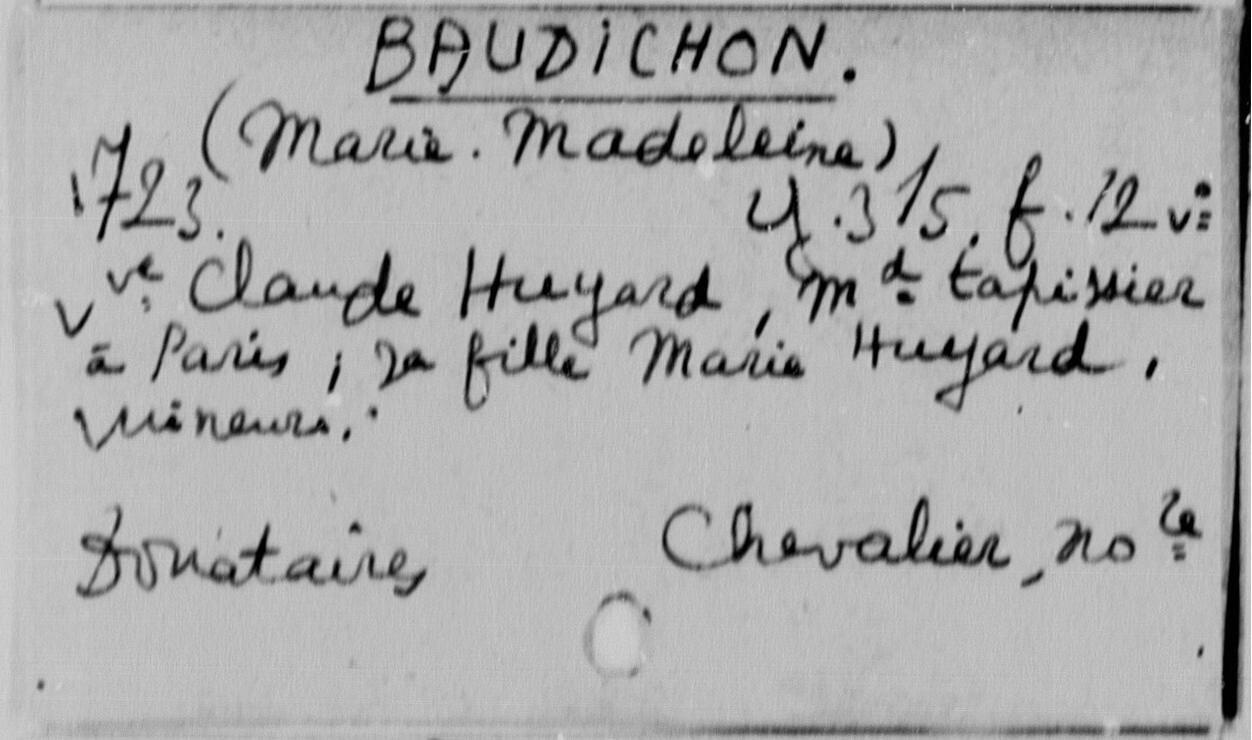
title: BAUDICHON (Marie-Madeleine)
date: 1723
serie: Y
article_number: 315
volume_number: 12 verso
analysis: Veuve Claude HUYARD, marchand tapissier à Paris, sa fille Marie HUYARD, mineurs. Donataires Chevalier, notaire
